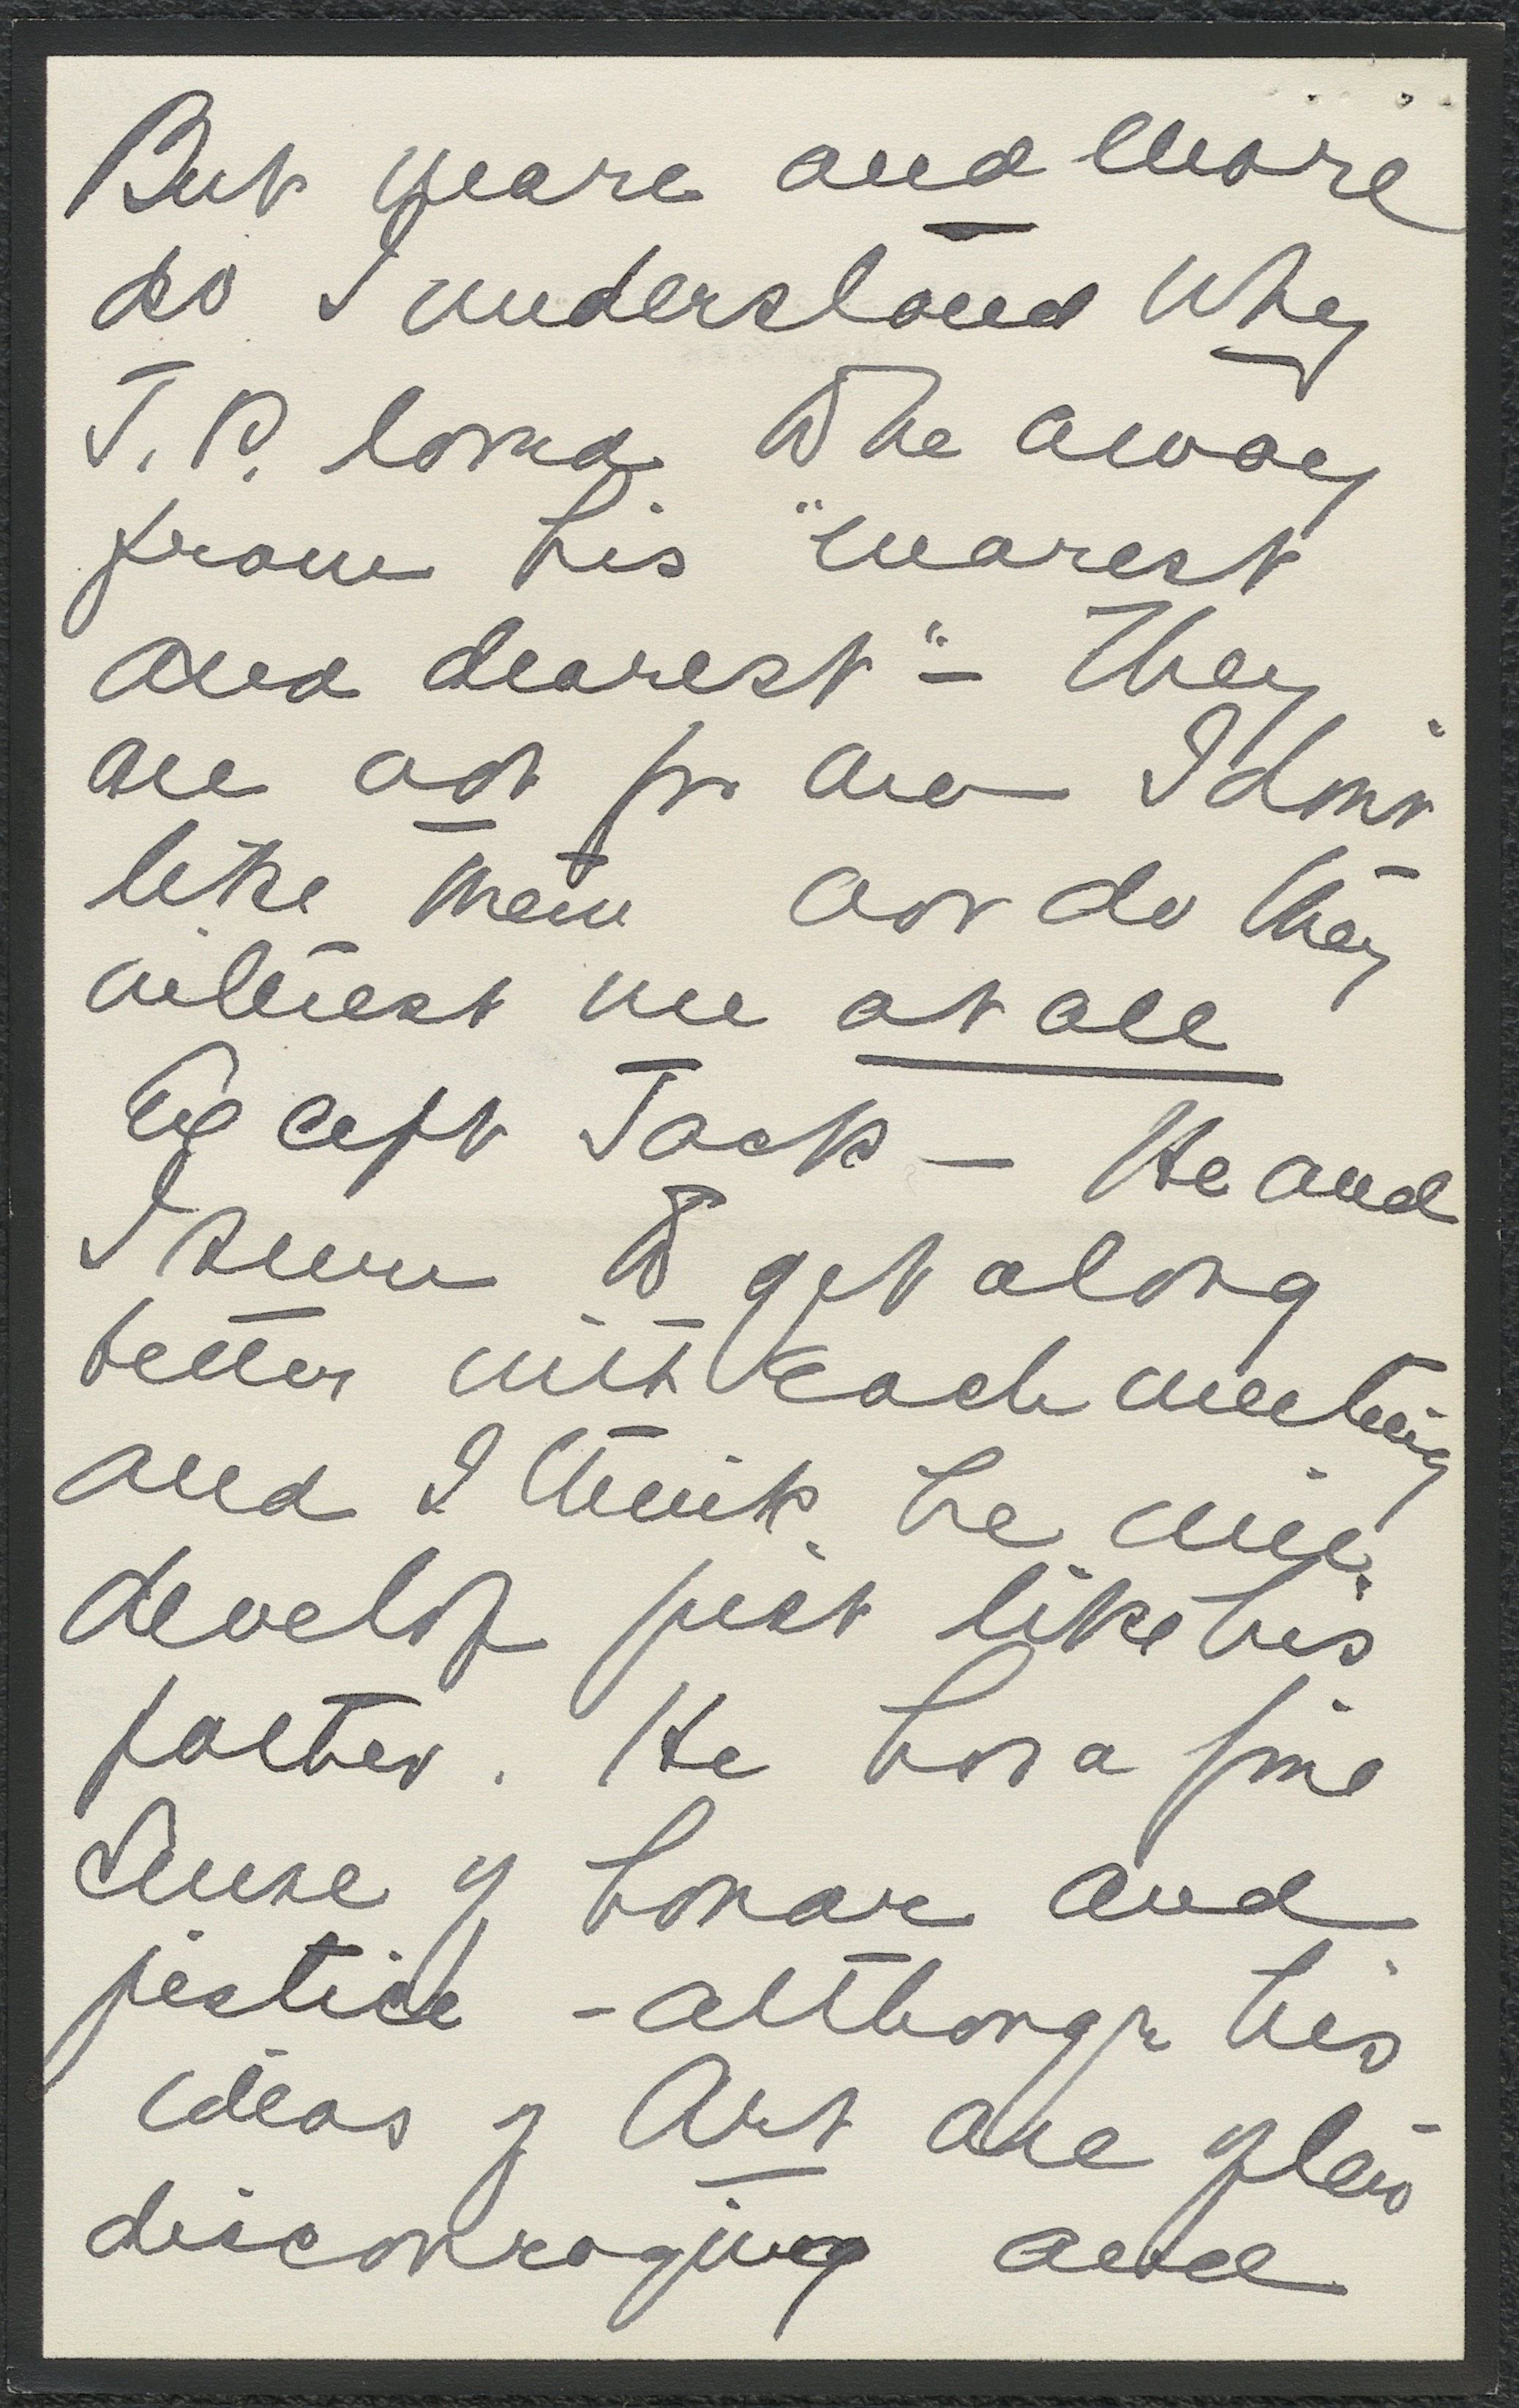But more and more do I understand why J.P. loved to be away from his “nearest and dearest” – They are not for me I don’t like them nor do they interest me at all
Except Jack – He and I seem to get along better with each meeting and I think he will develop just like his father. He has a fine sense of honor and justice – although his ideas of art are often discouraging and